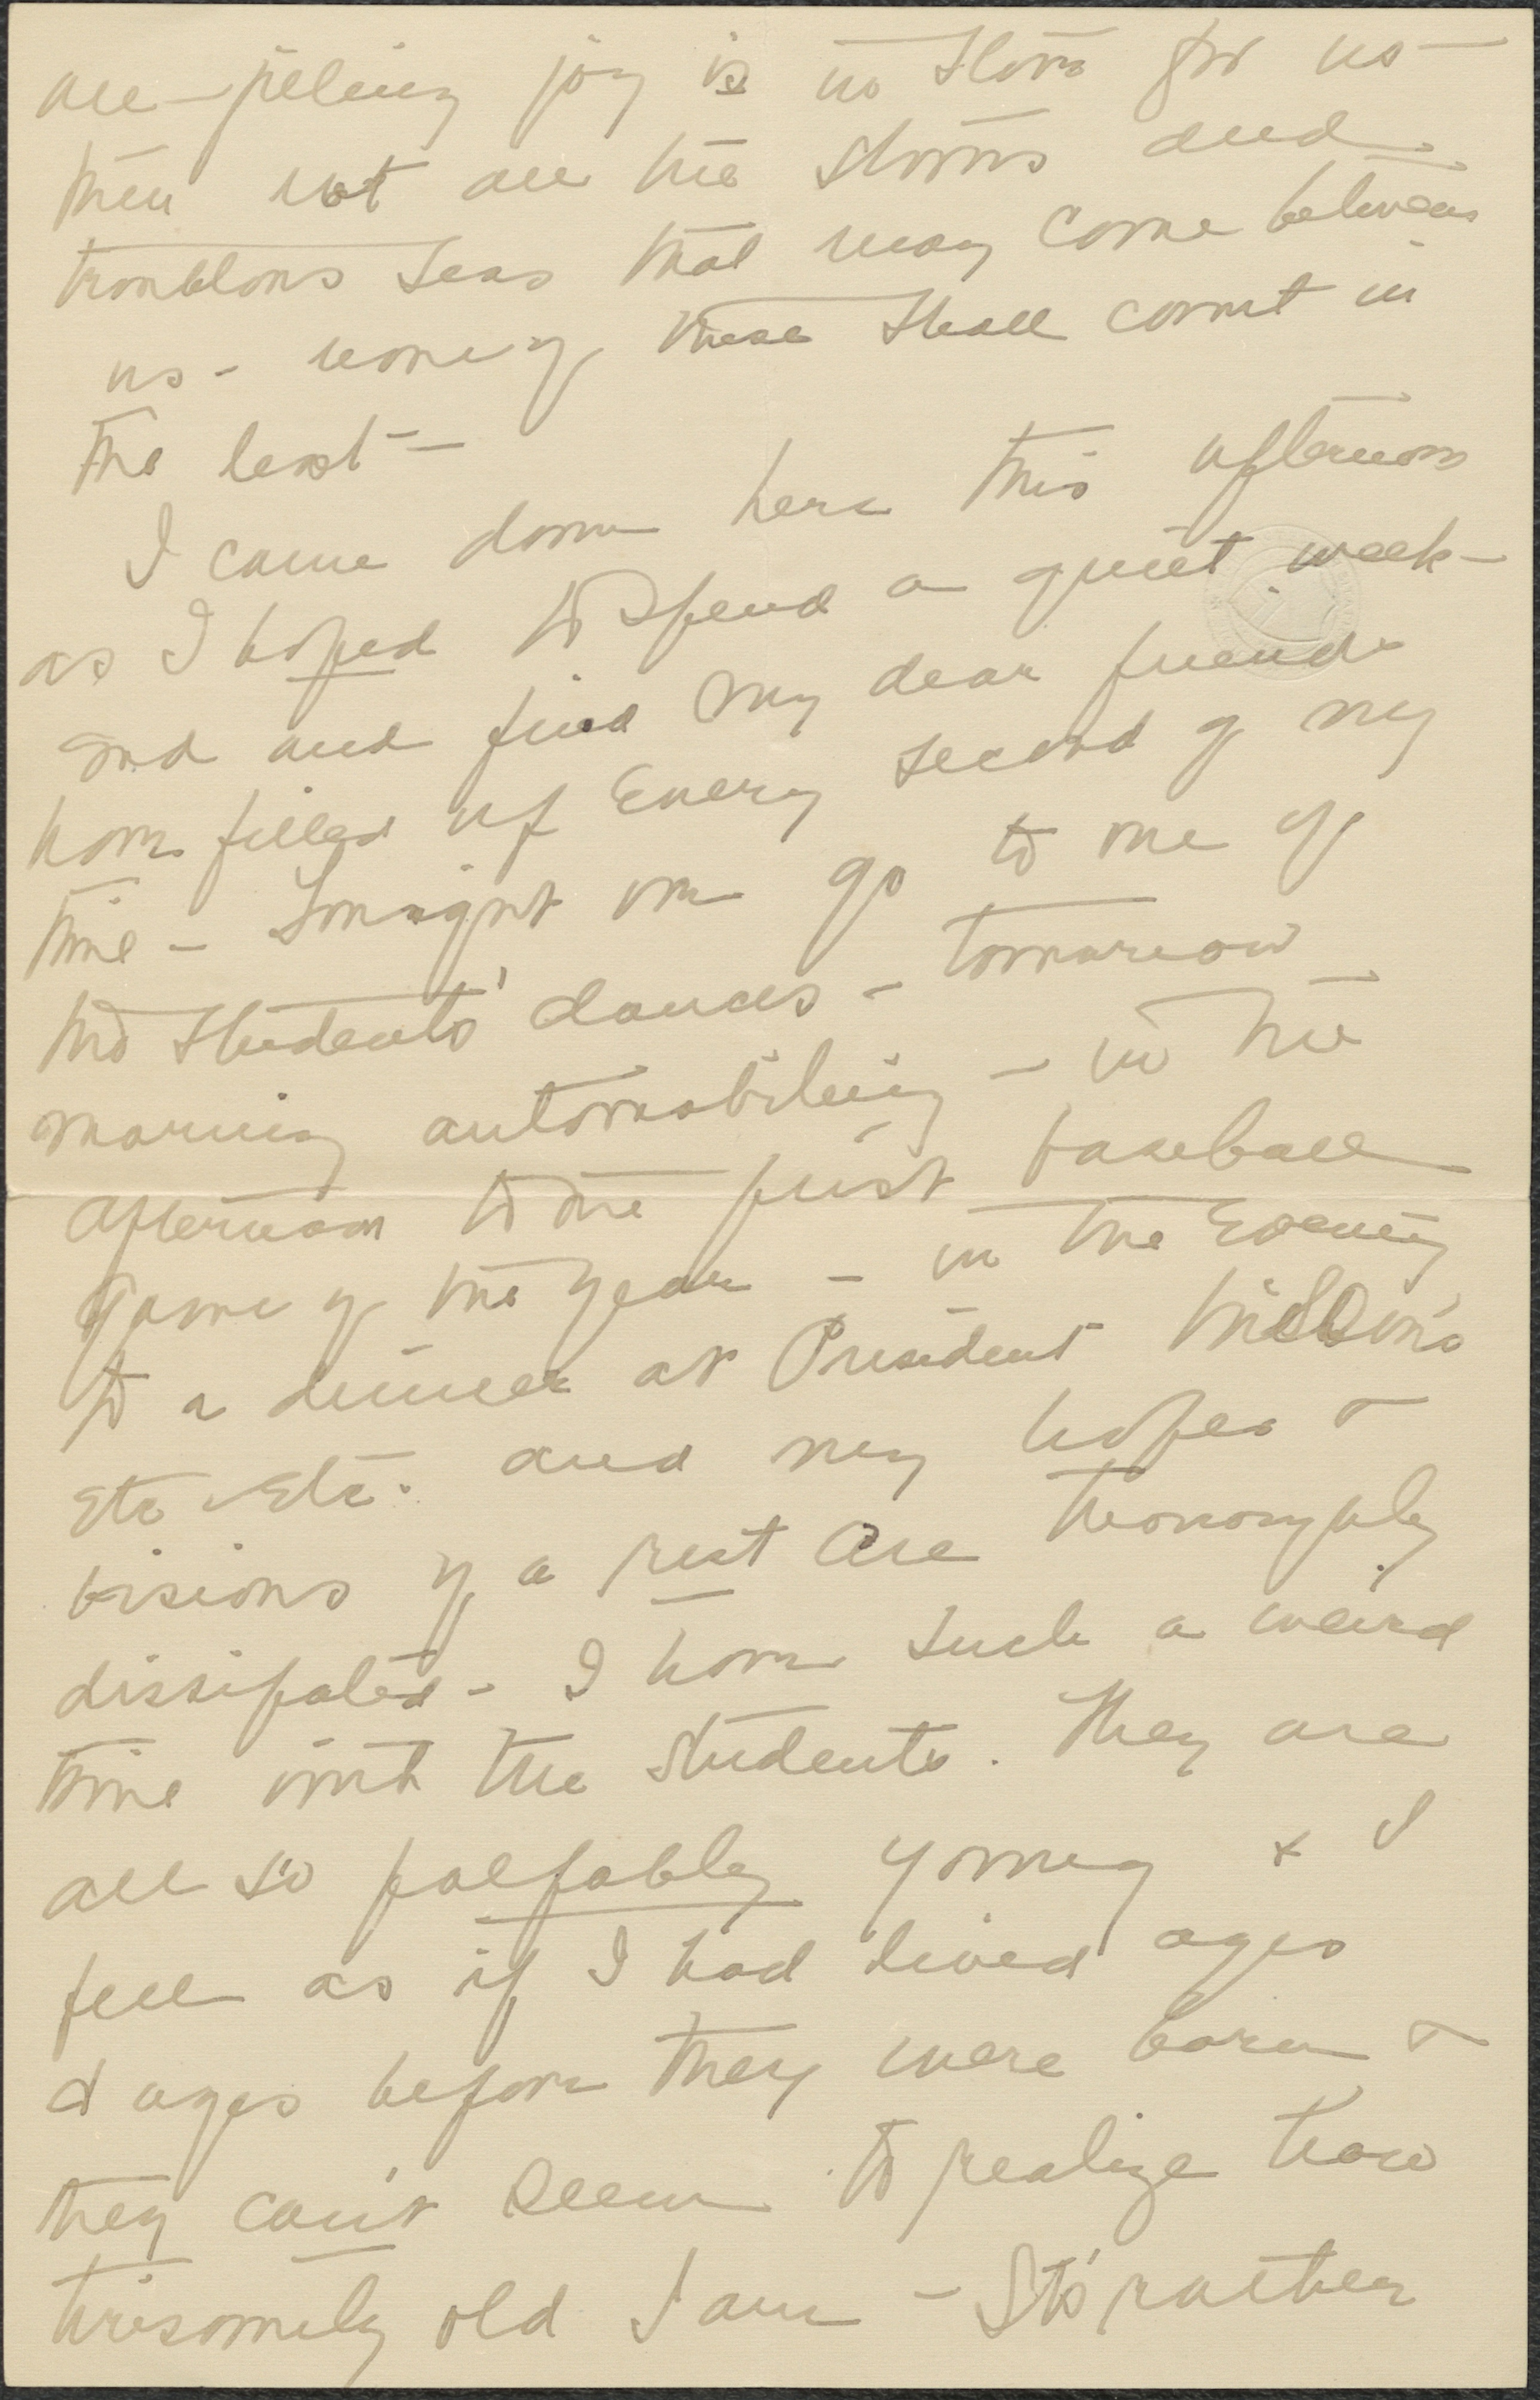all-filling joy is in store for us – then not all the storms and troublous seas that may come between us – none of these shall count in the least –
I came down here this afternoon as I hoped to spend a quiet weekend and find my dear friends have filled up every second of my time – Tonight we go to one of the students’ dances – tomorrow morning automobiling – in the afternoon to the first baseball game of the year – in the evening to a dinner at President Wilson’s etc etc. and my hopes & visions of a rest are thoroughly dissipated – I have such a weird time with the students. They are all so palpably young & I feel as if I had lived ages & ages before they were born & they can’t seem to realize how tiresomely old I am – It’s rather